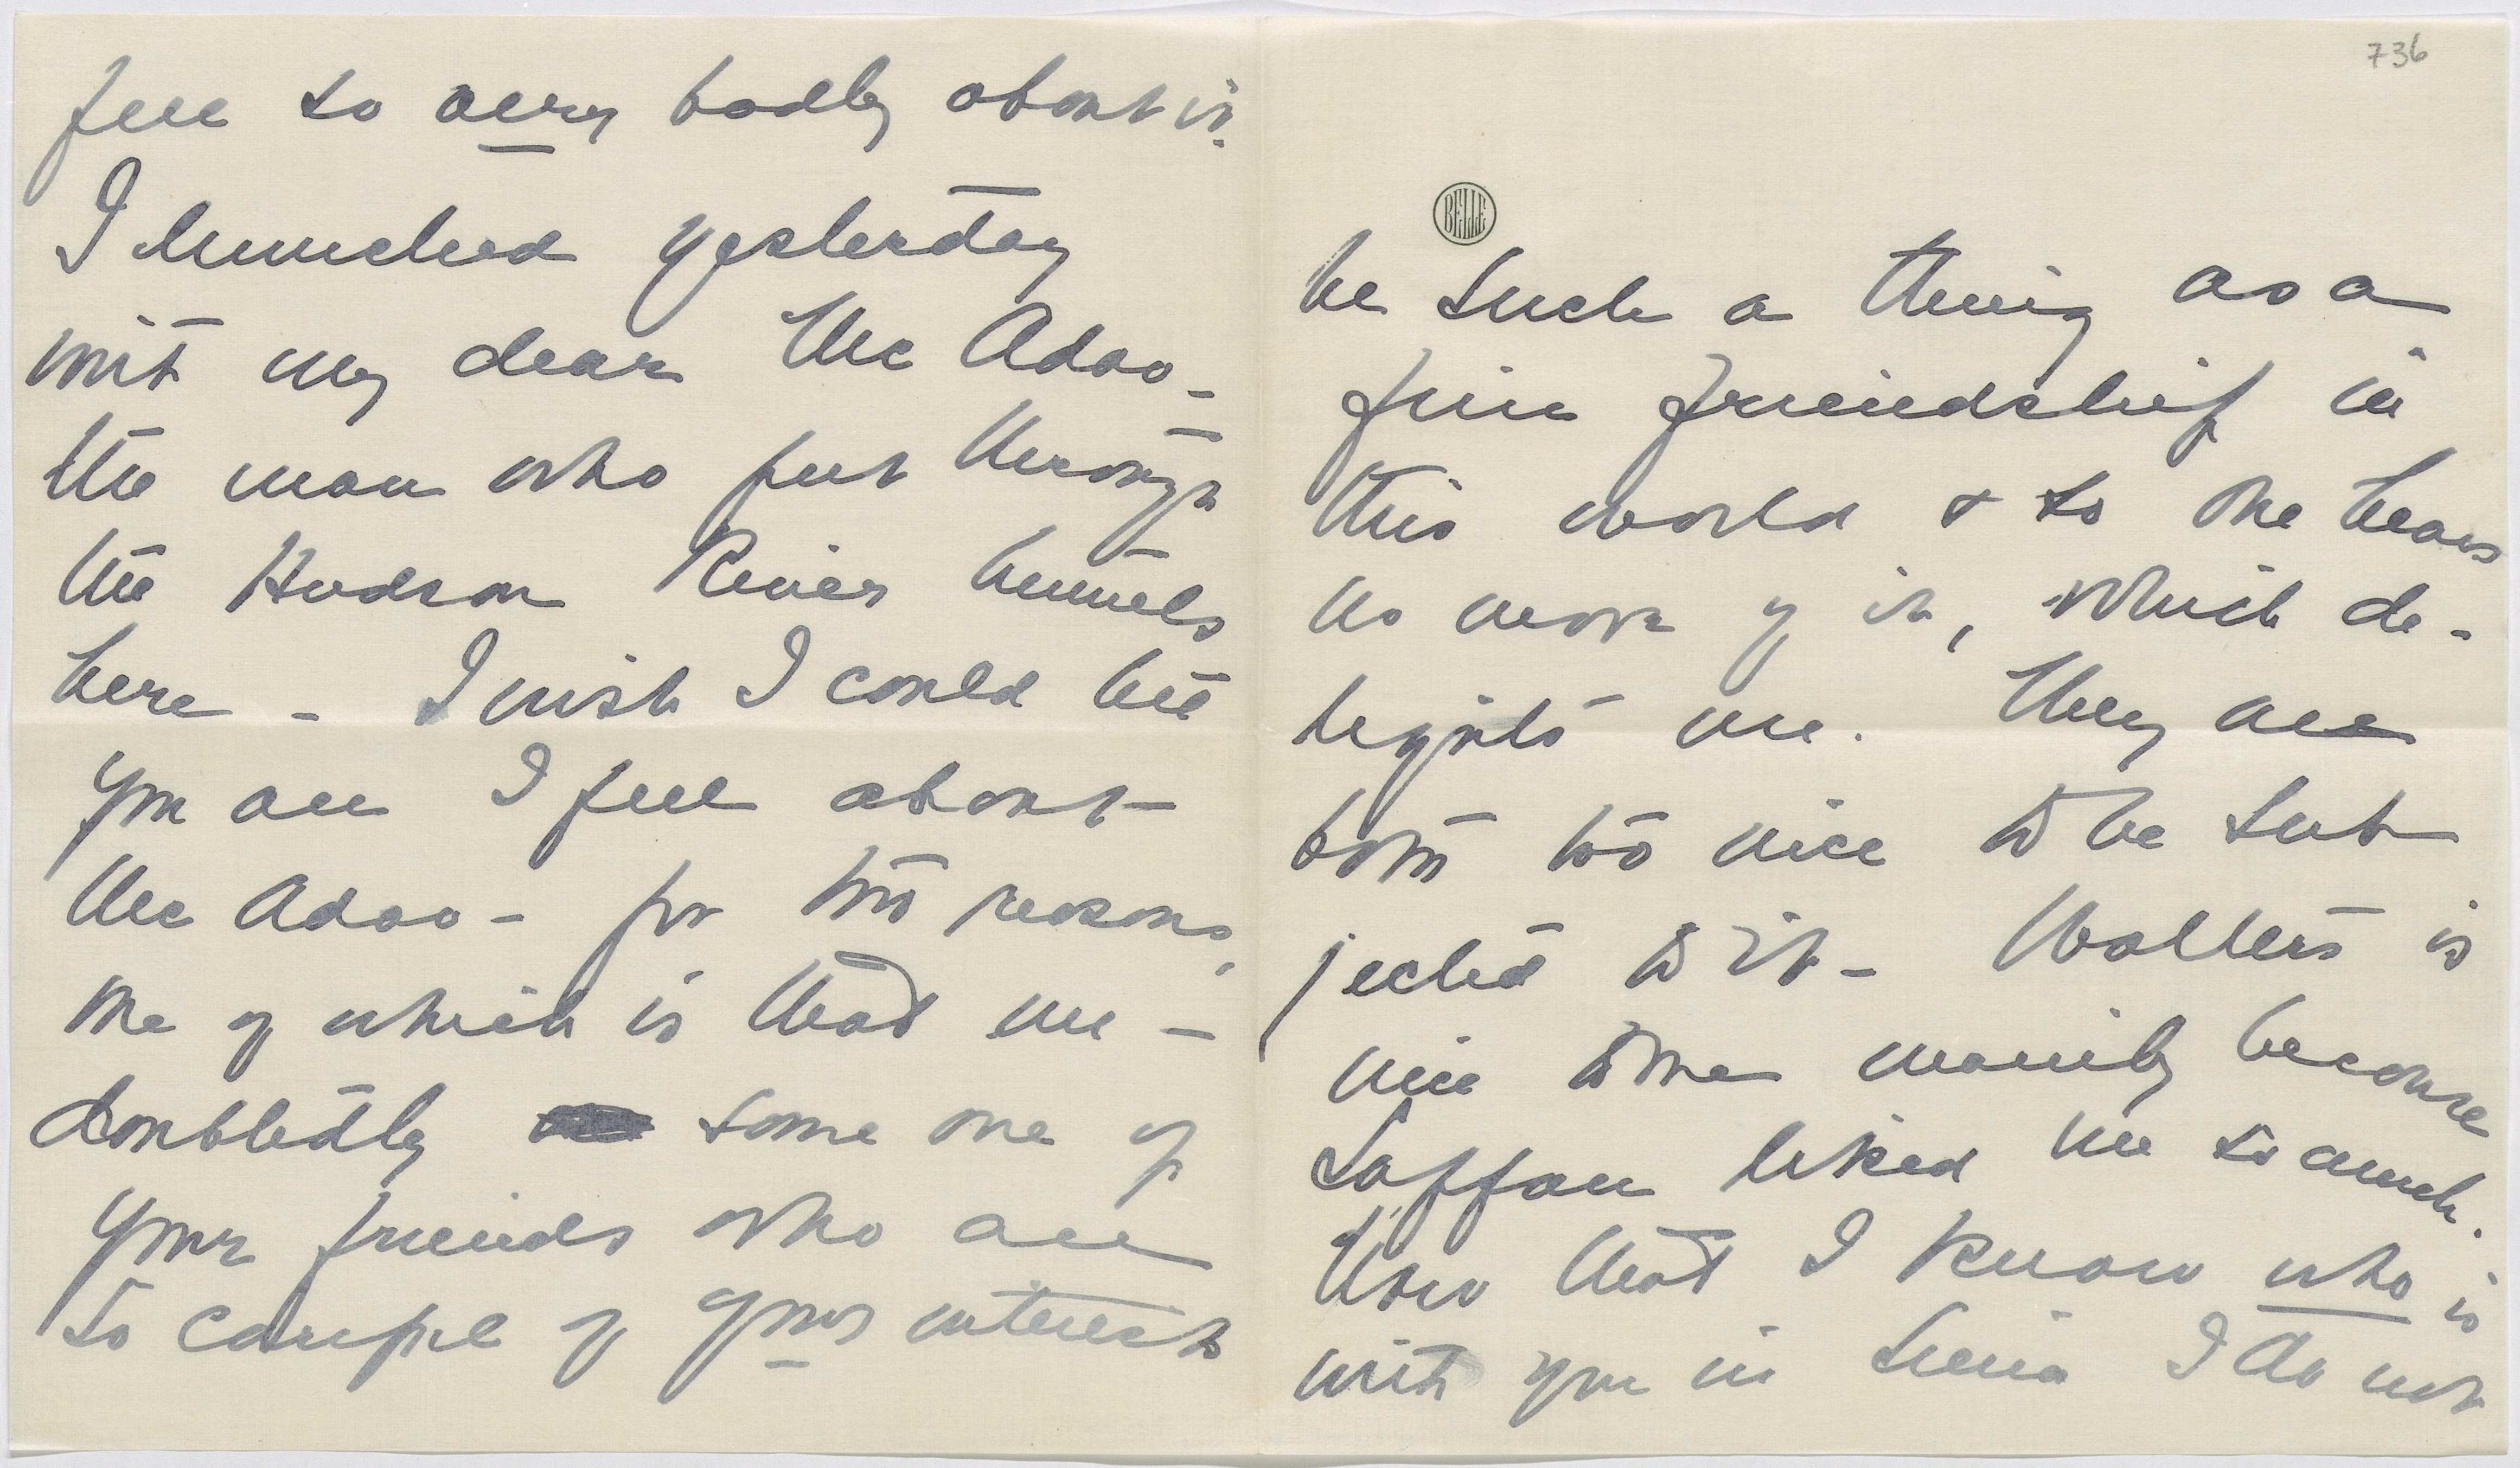be such a thing as a fine friendship in this world & so one hears no more of it, which delights me. They are both too nice to be subjected to it – Walters is nice to me mainly because Laffan liked me so much. Now that I know who is with you in Siena I do not
feel so very badly about it. I lunched yesterday with my dear McAdoo – the man who put through the Hudson River tunnels here – I wish I could tell you all I feel about McAdoo – for two reasons, one of which is that undoubtedly [illegible deletion] some one of your friends who are so careful of your interests